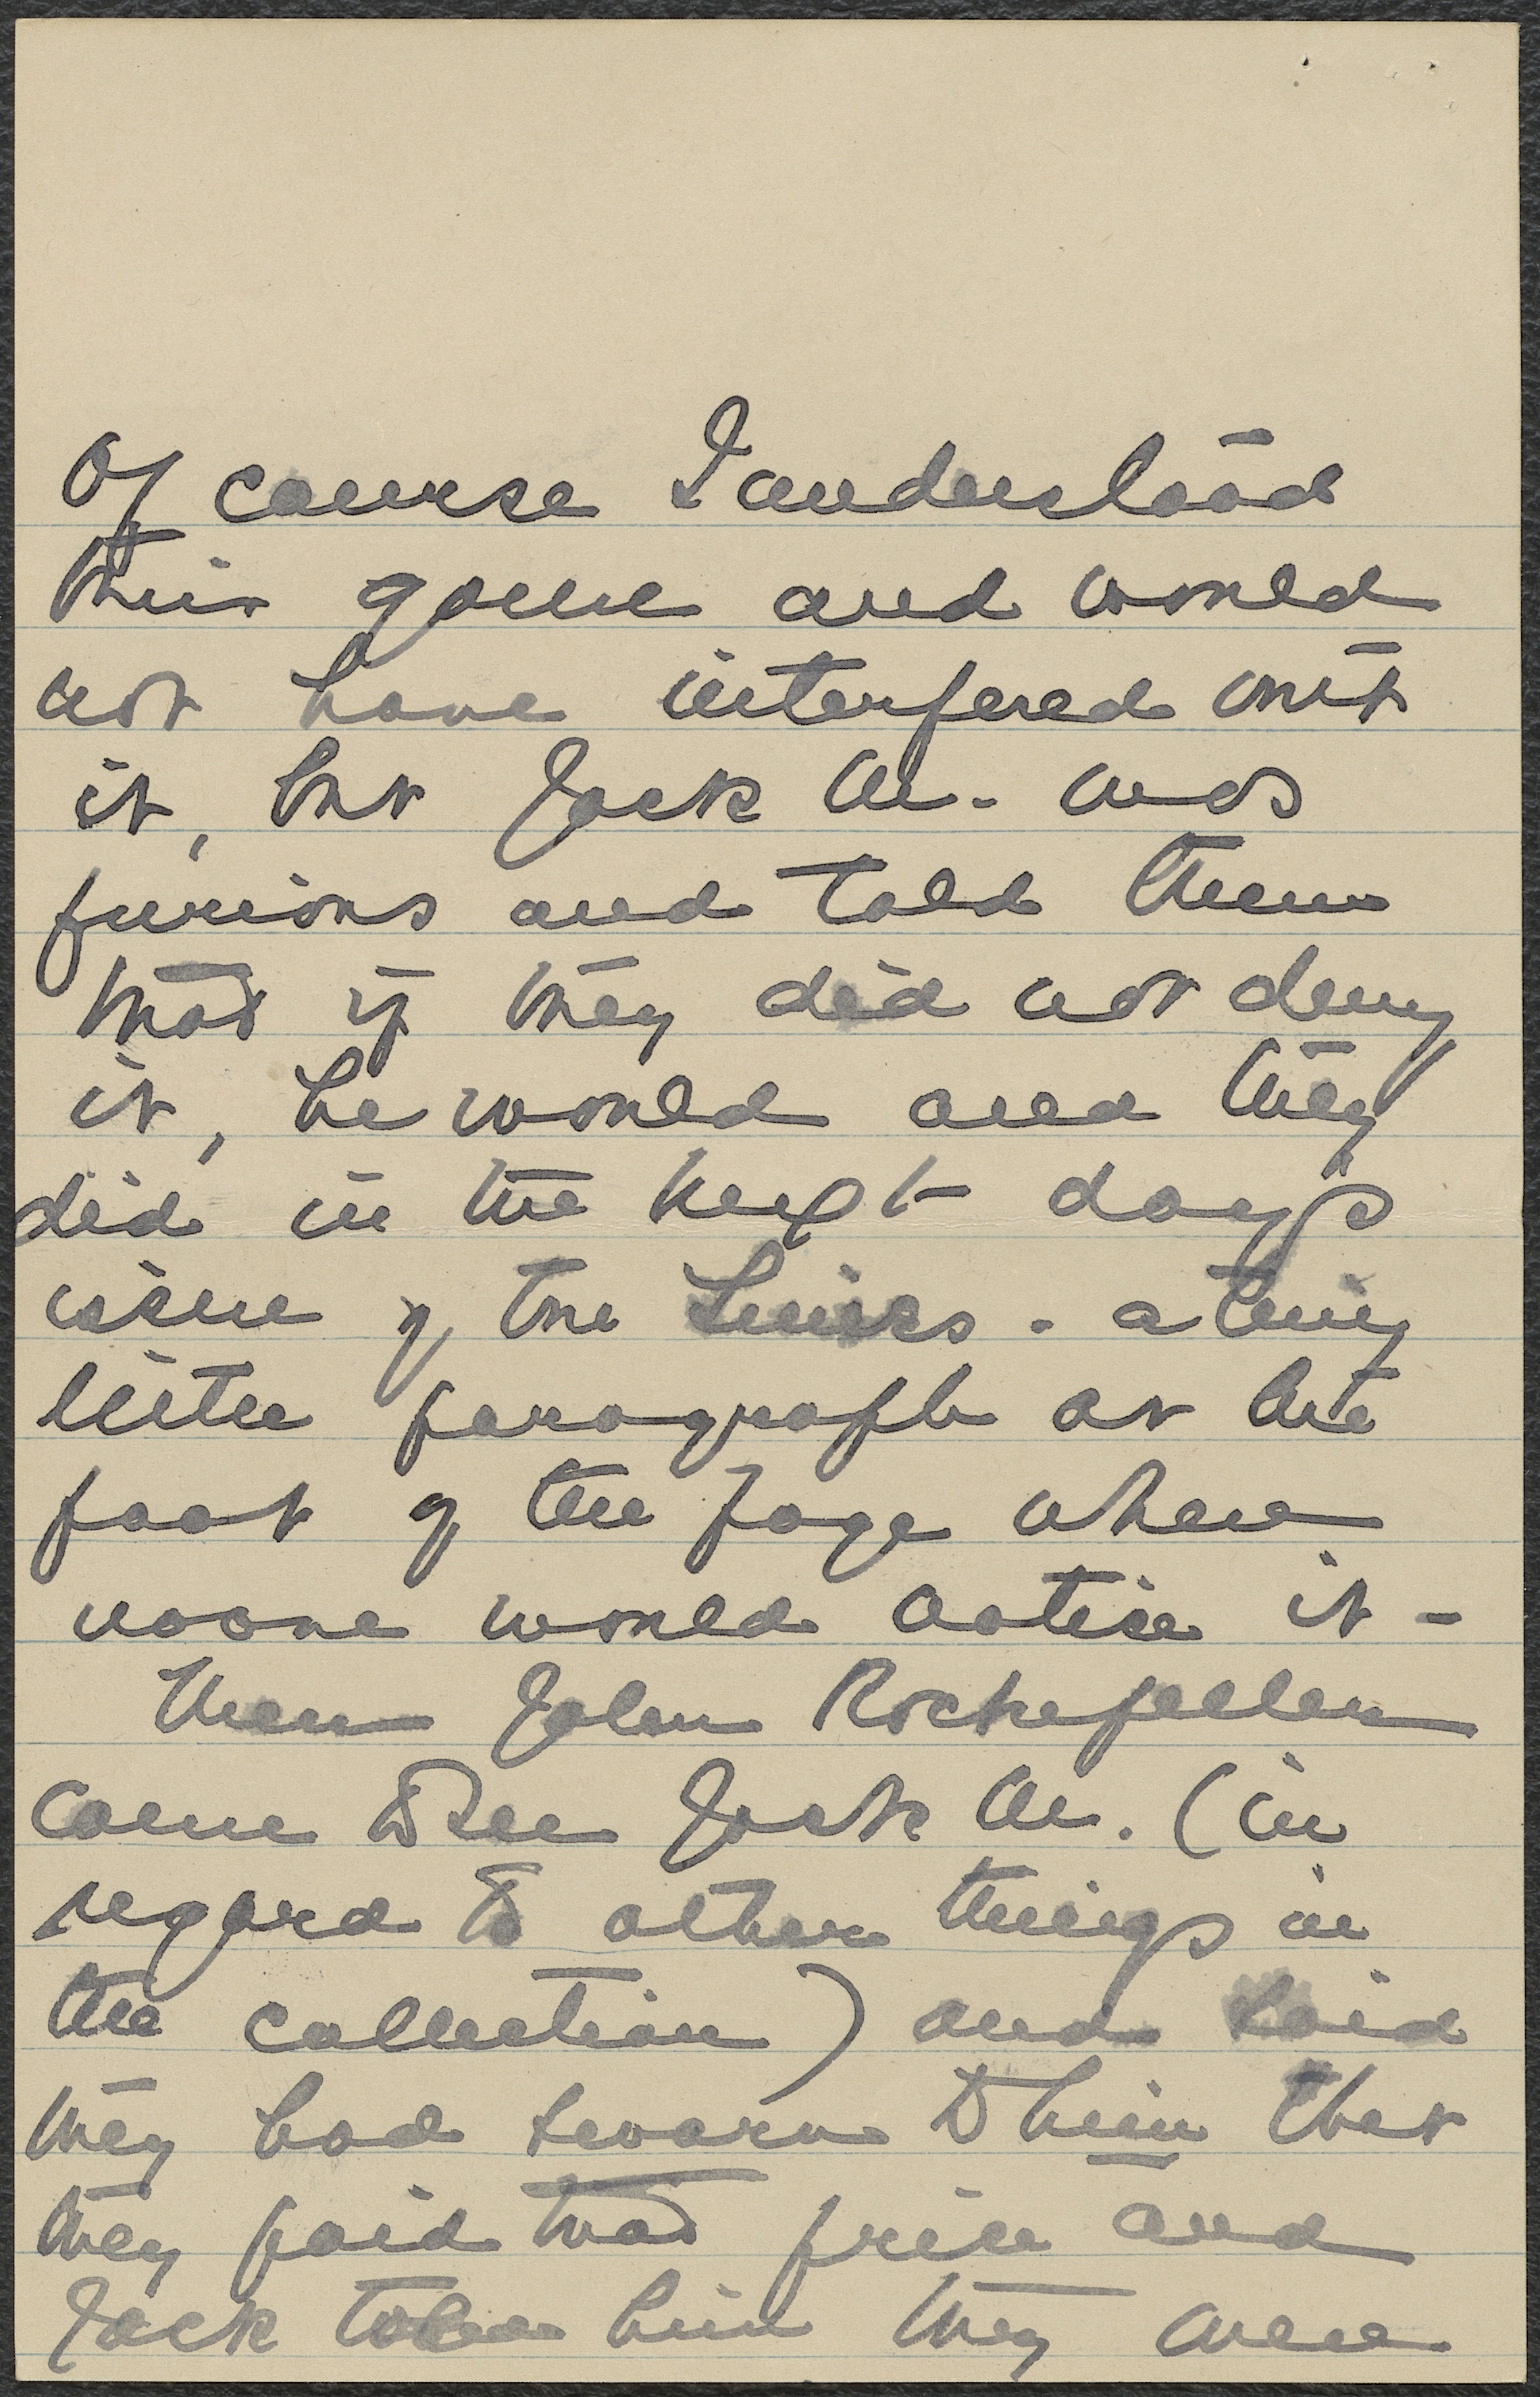of course I understand their game and would not have interfered with it, but Jack M – was furious and told them that if they did not deny it, he would and they did in the next day’s issue of the Times – a tiny little paragraph at the foot of the page where noone would notice it – Then John Rockefeller came to see Jack M. (in regard to other things in the collection) and said they had sworn to him that they paid that price and Jack told him they were